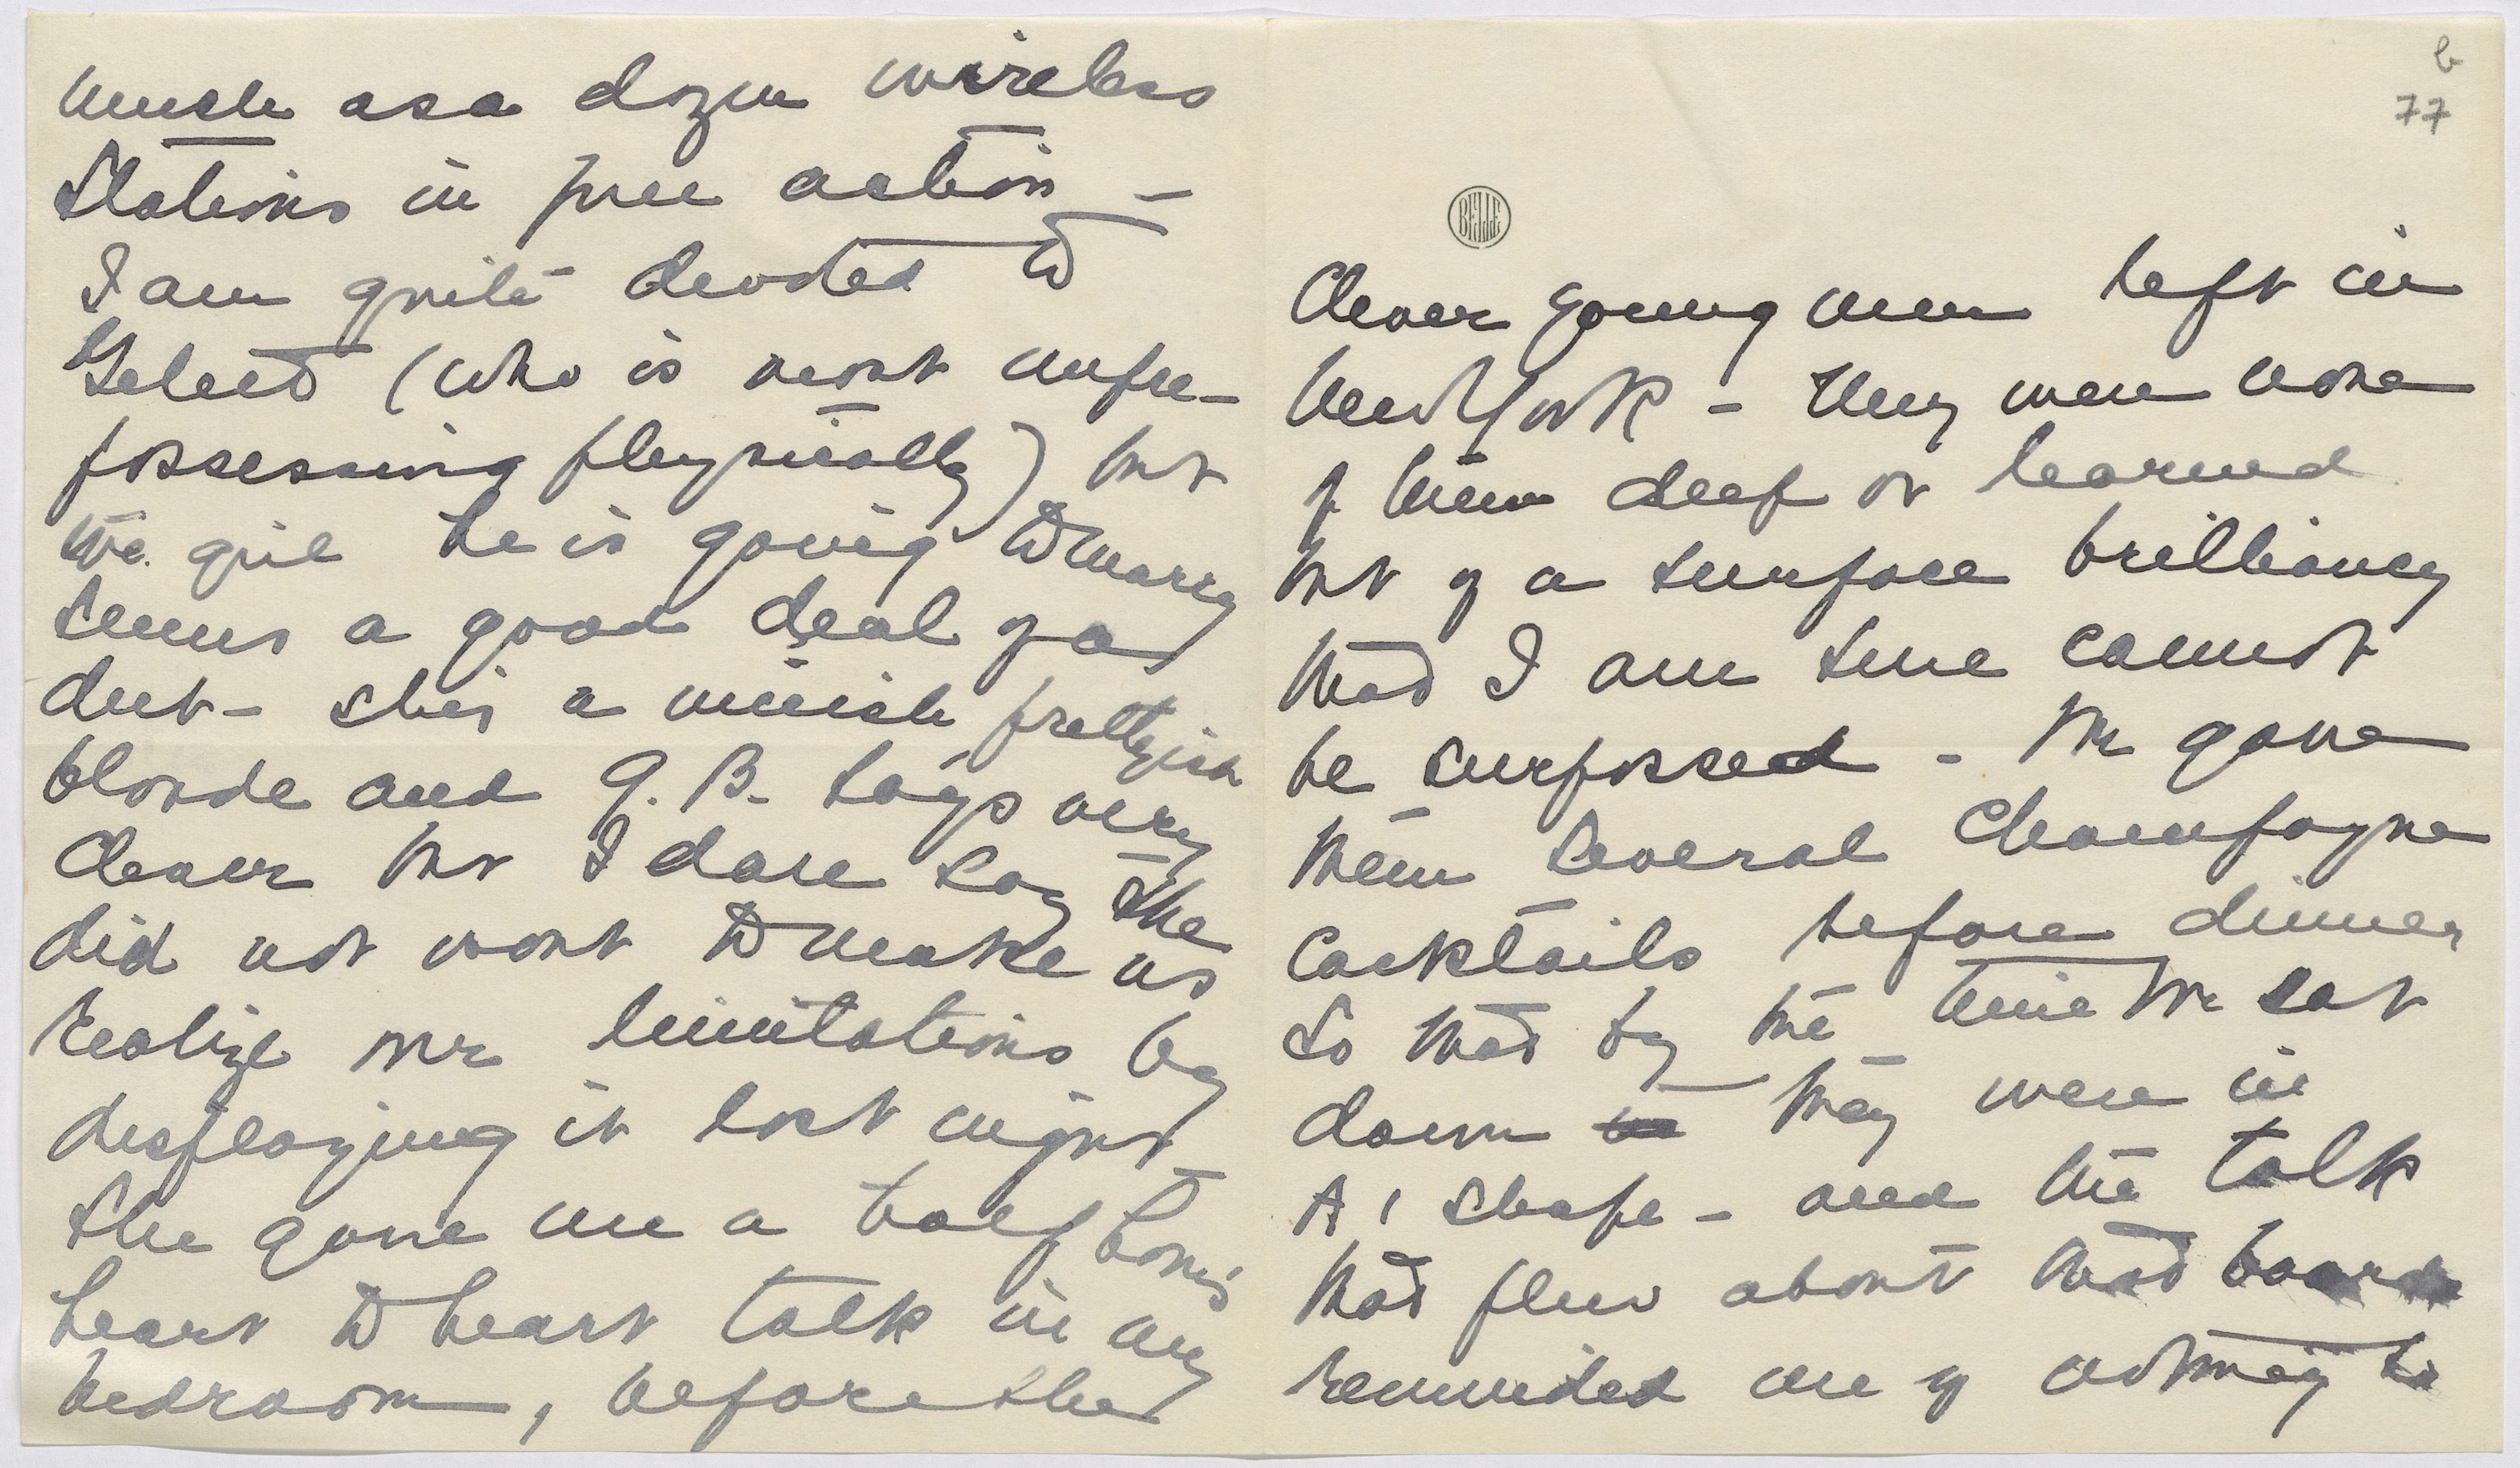clever young men left in New York – They were none of them deep or learned but of a surface brilliancy that I am sure cannot be surpassed – We gave them several champagne cocktails before dinner so that by the time we sat down to they were in A 1 shape – and the talk that flew about that board reminded me of nothing so
much as a dozen wireless stations in full action – I am quite devoted to Gelett (who is most unprepossessing physically) but the girl he is going to marry seems a good deal of a dub – she’s a nicish prettyish blonde and G.B. says very clever but I dare say she did not want to make us realize our limitations by destroying it last night – she gave me a half hour’s heart to heart talk in my bedroom, before she